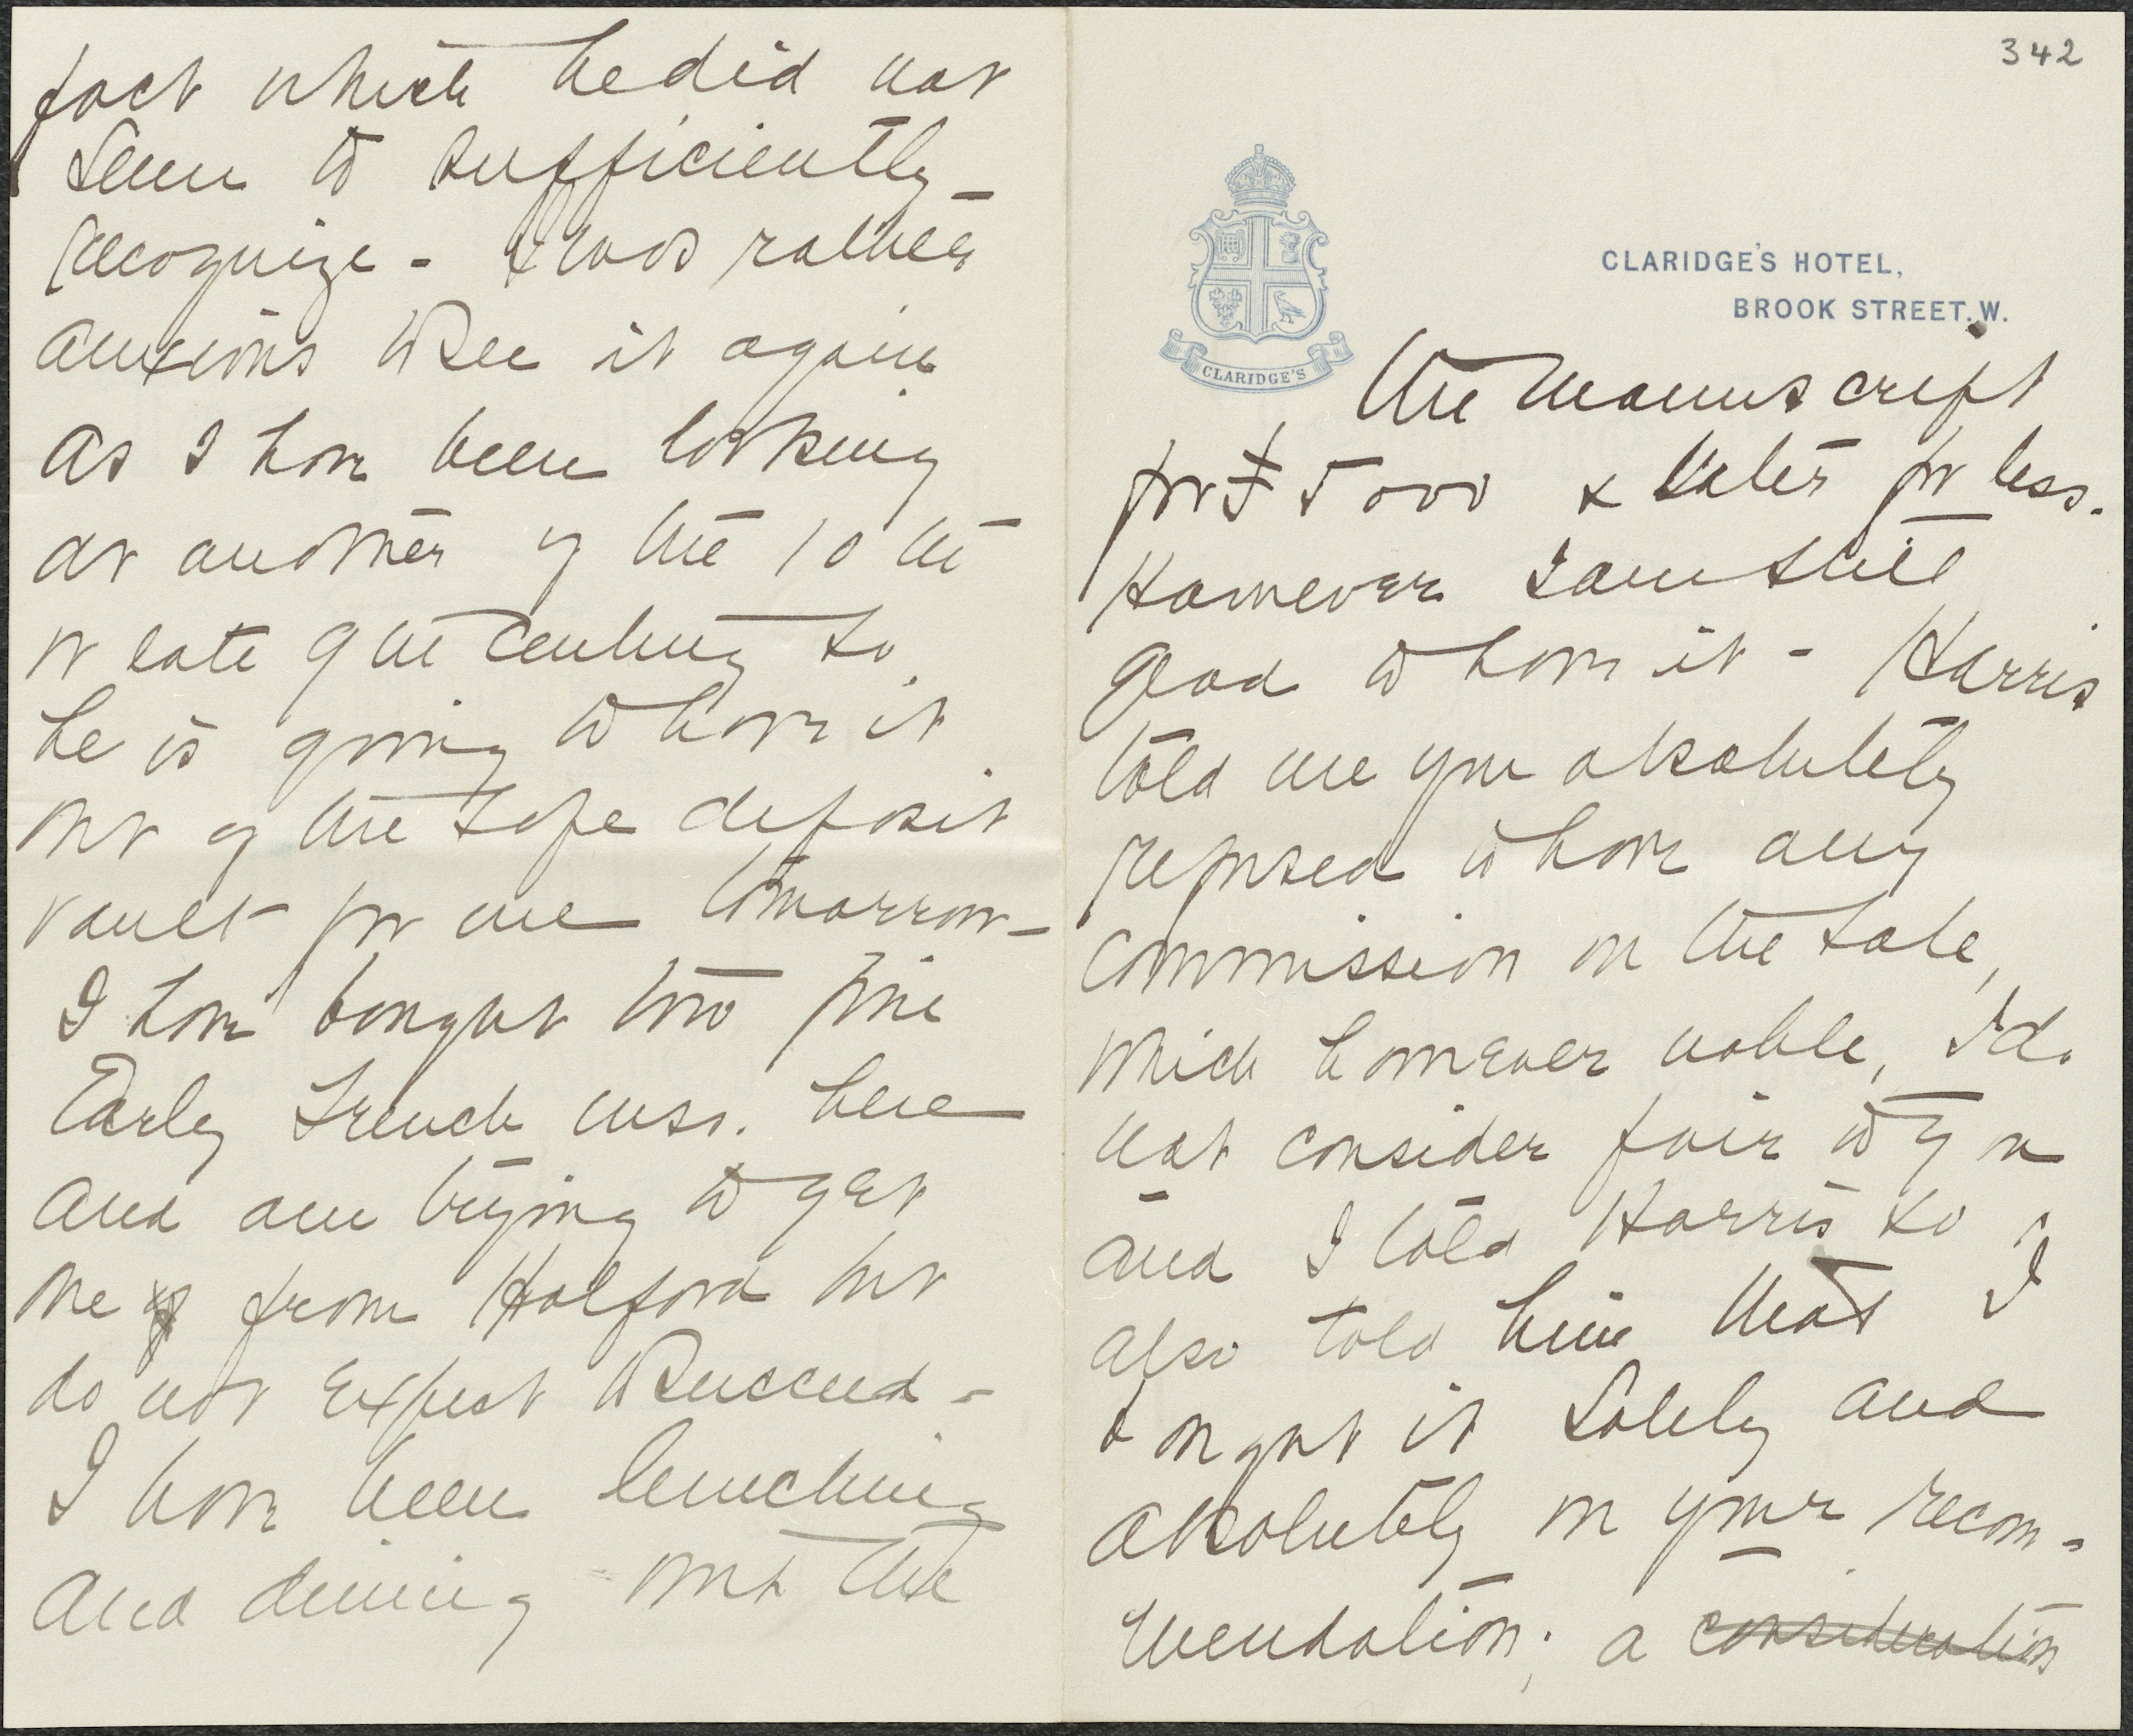the manuscript for £5000 & later for less. However I am still good to have it – Harris told me you absolutely refused to have any commission on the sale, which however noble, I do not consider fair to you and I told Harris so, also told him that I bought it solely and absolutely on your recommendation; a consideration
fact which he did not seem to sufficiently recognize – I was rather anxious to see it again as I have been looking at another of the 10th or late 9th century so he is going to have it out of the safe deposit vault for me tomorrow – I have bought two fine Early French mss. here and am trying to get one of from Holford but do not expect to succeed – I have been lunching and dining with the